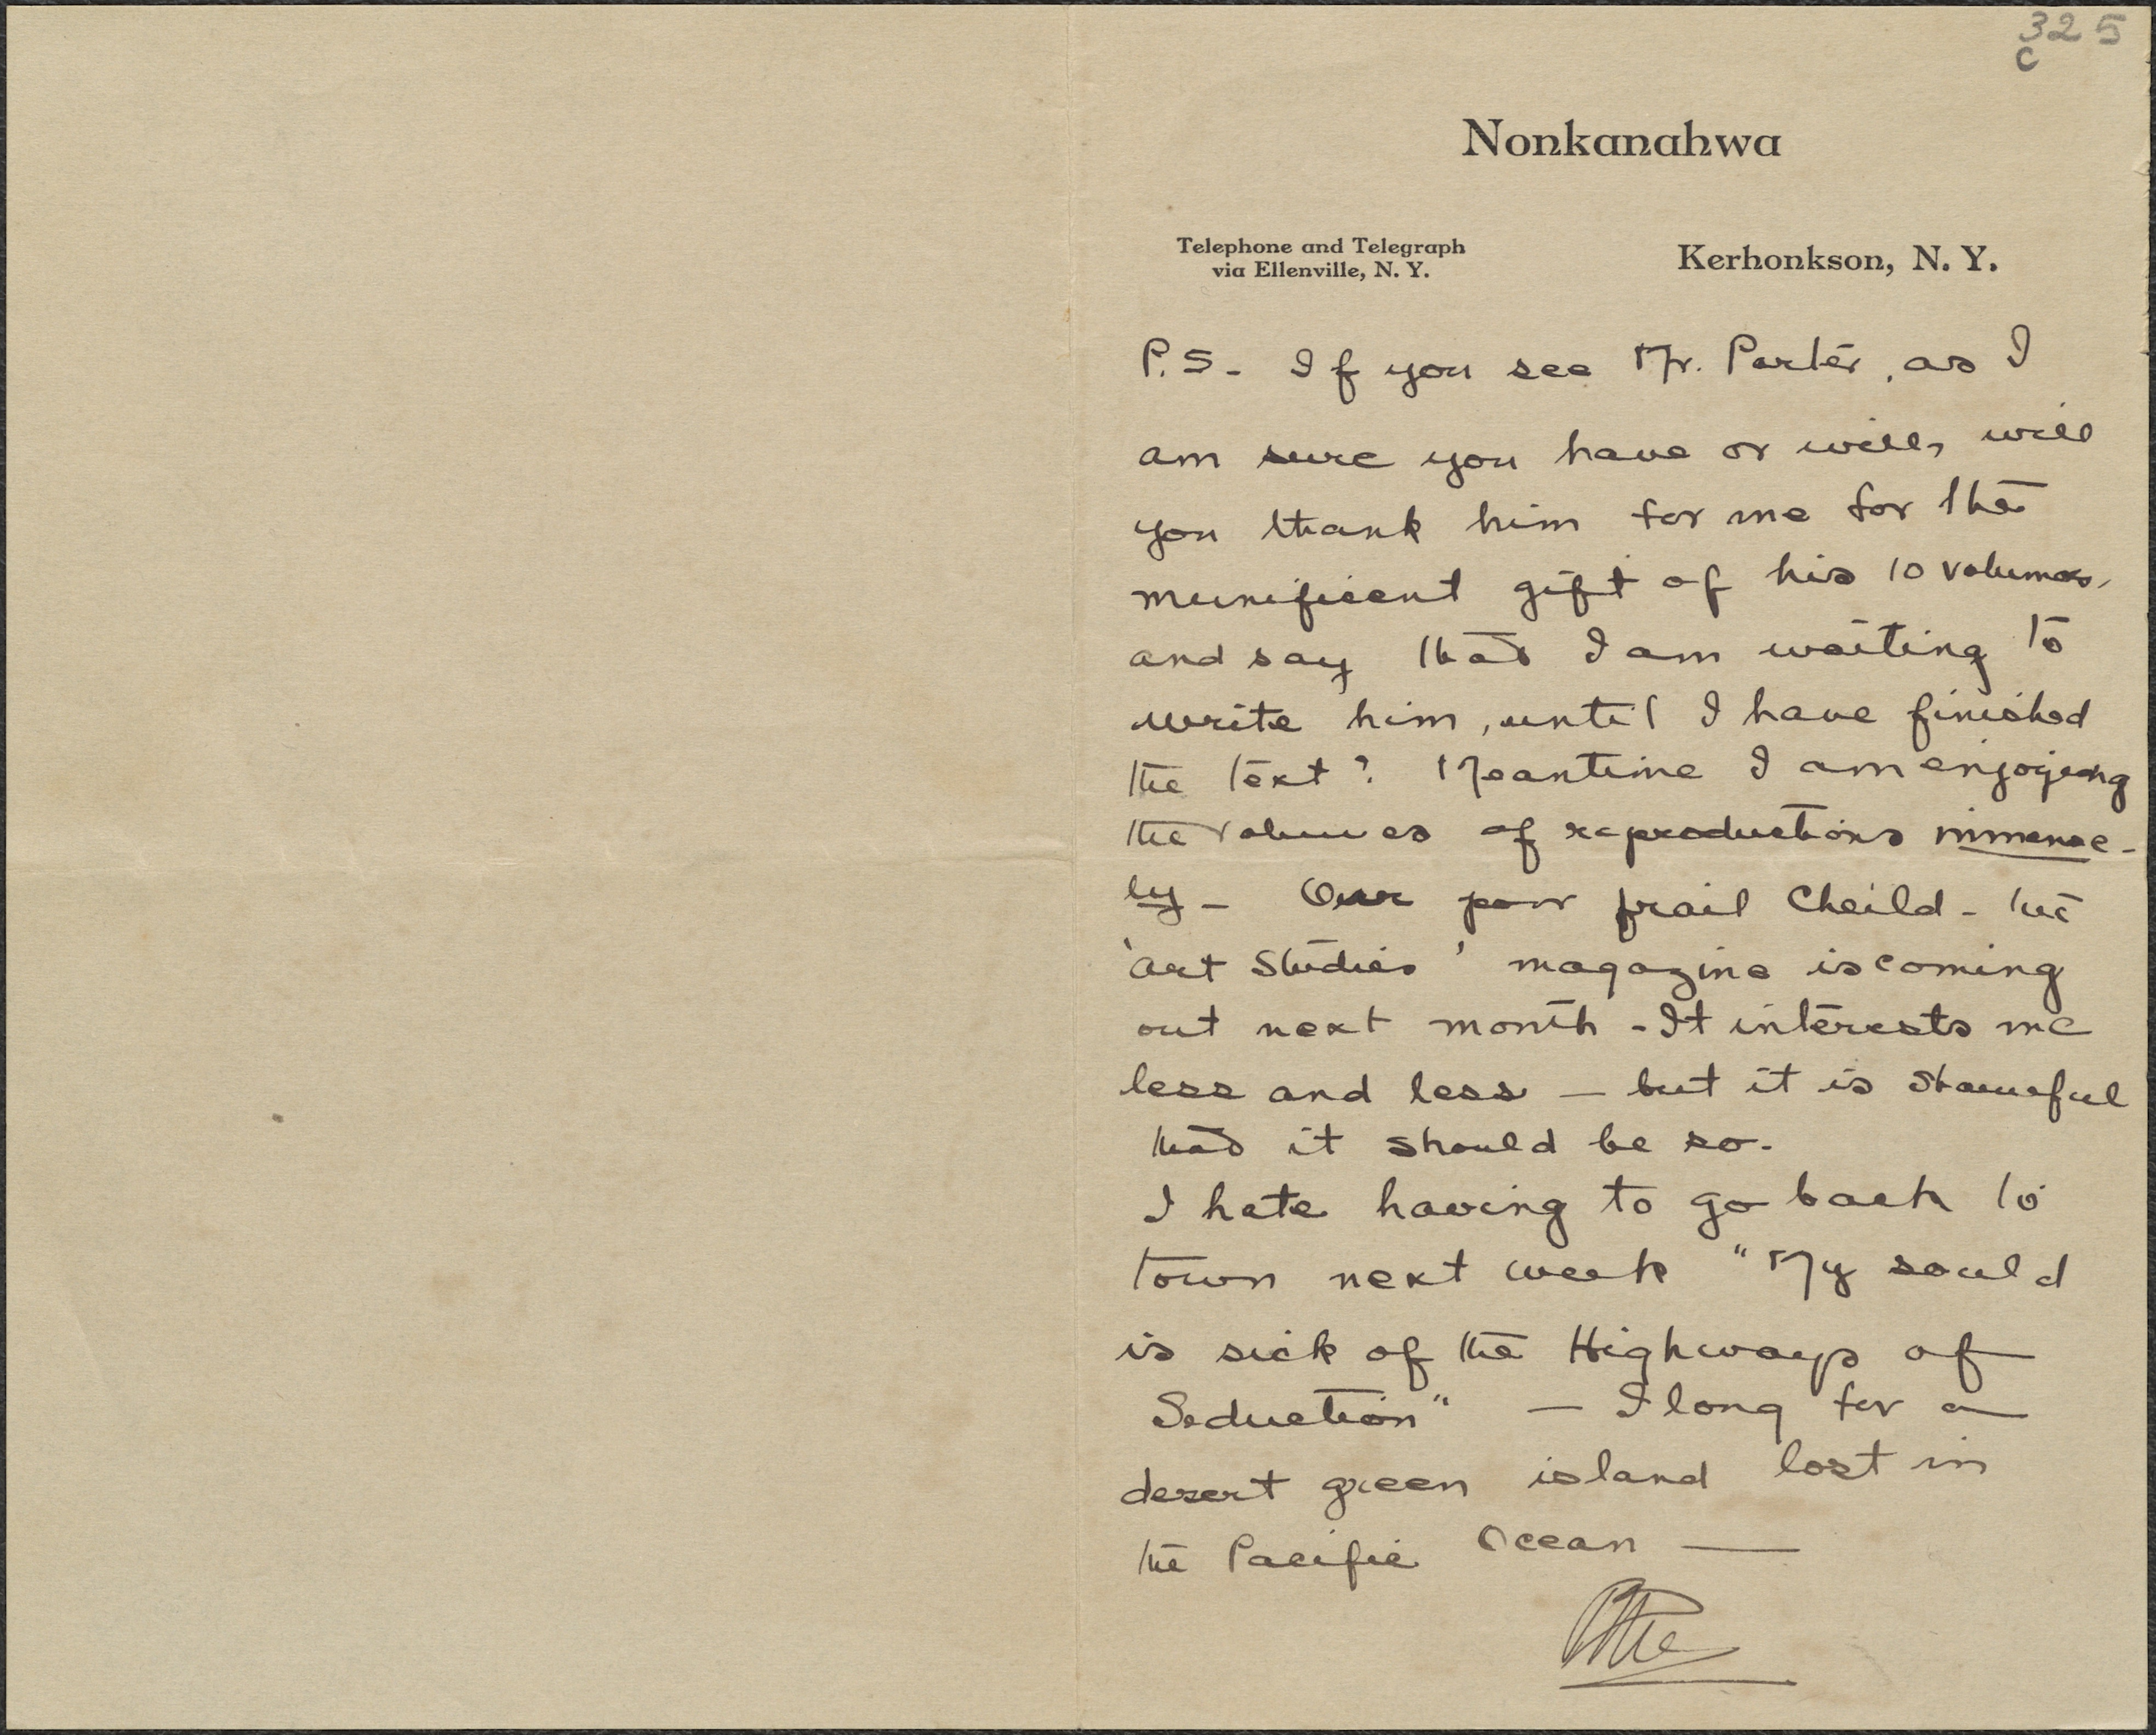P.S – If you see Mr. Porter, as I am sure you have or will, will you thank him for me for the munificent gift of his 10 volumes, and say that I am waiting to write him, until I have finished the text? Meantime I am enjoying the volumes of reproductions immensely – Our poor frail Child – the ‘Art Studies’ magazine is coming out next month – It interests me less and less – but it is shameful that it should be so.
I hate having to go back to town next week “My sould [sic] is sick of the Highways of Seduction” – I long for a desert green island lost in the Pacific Ocean –
Belle